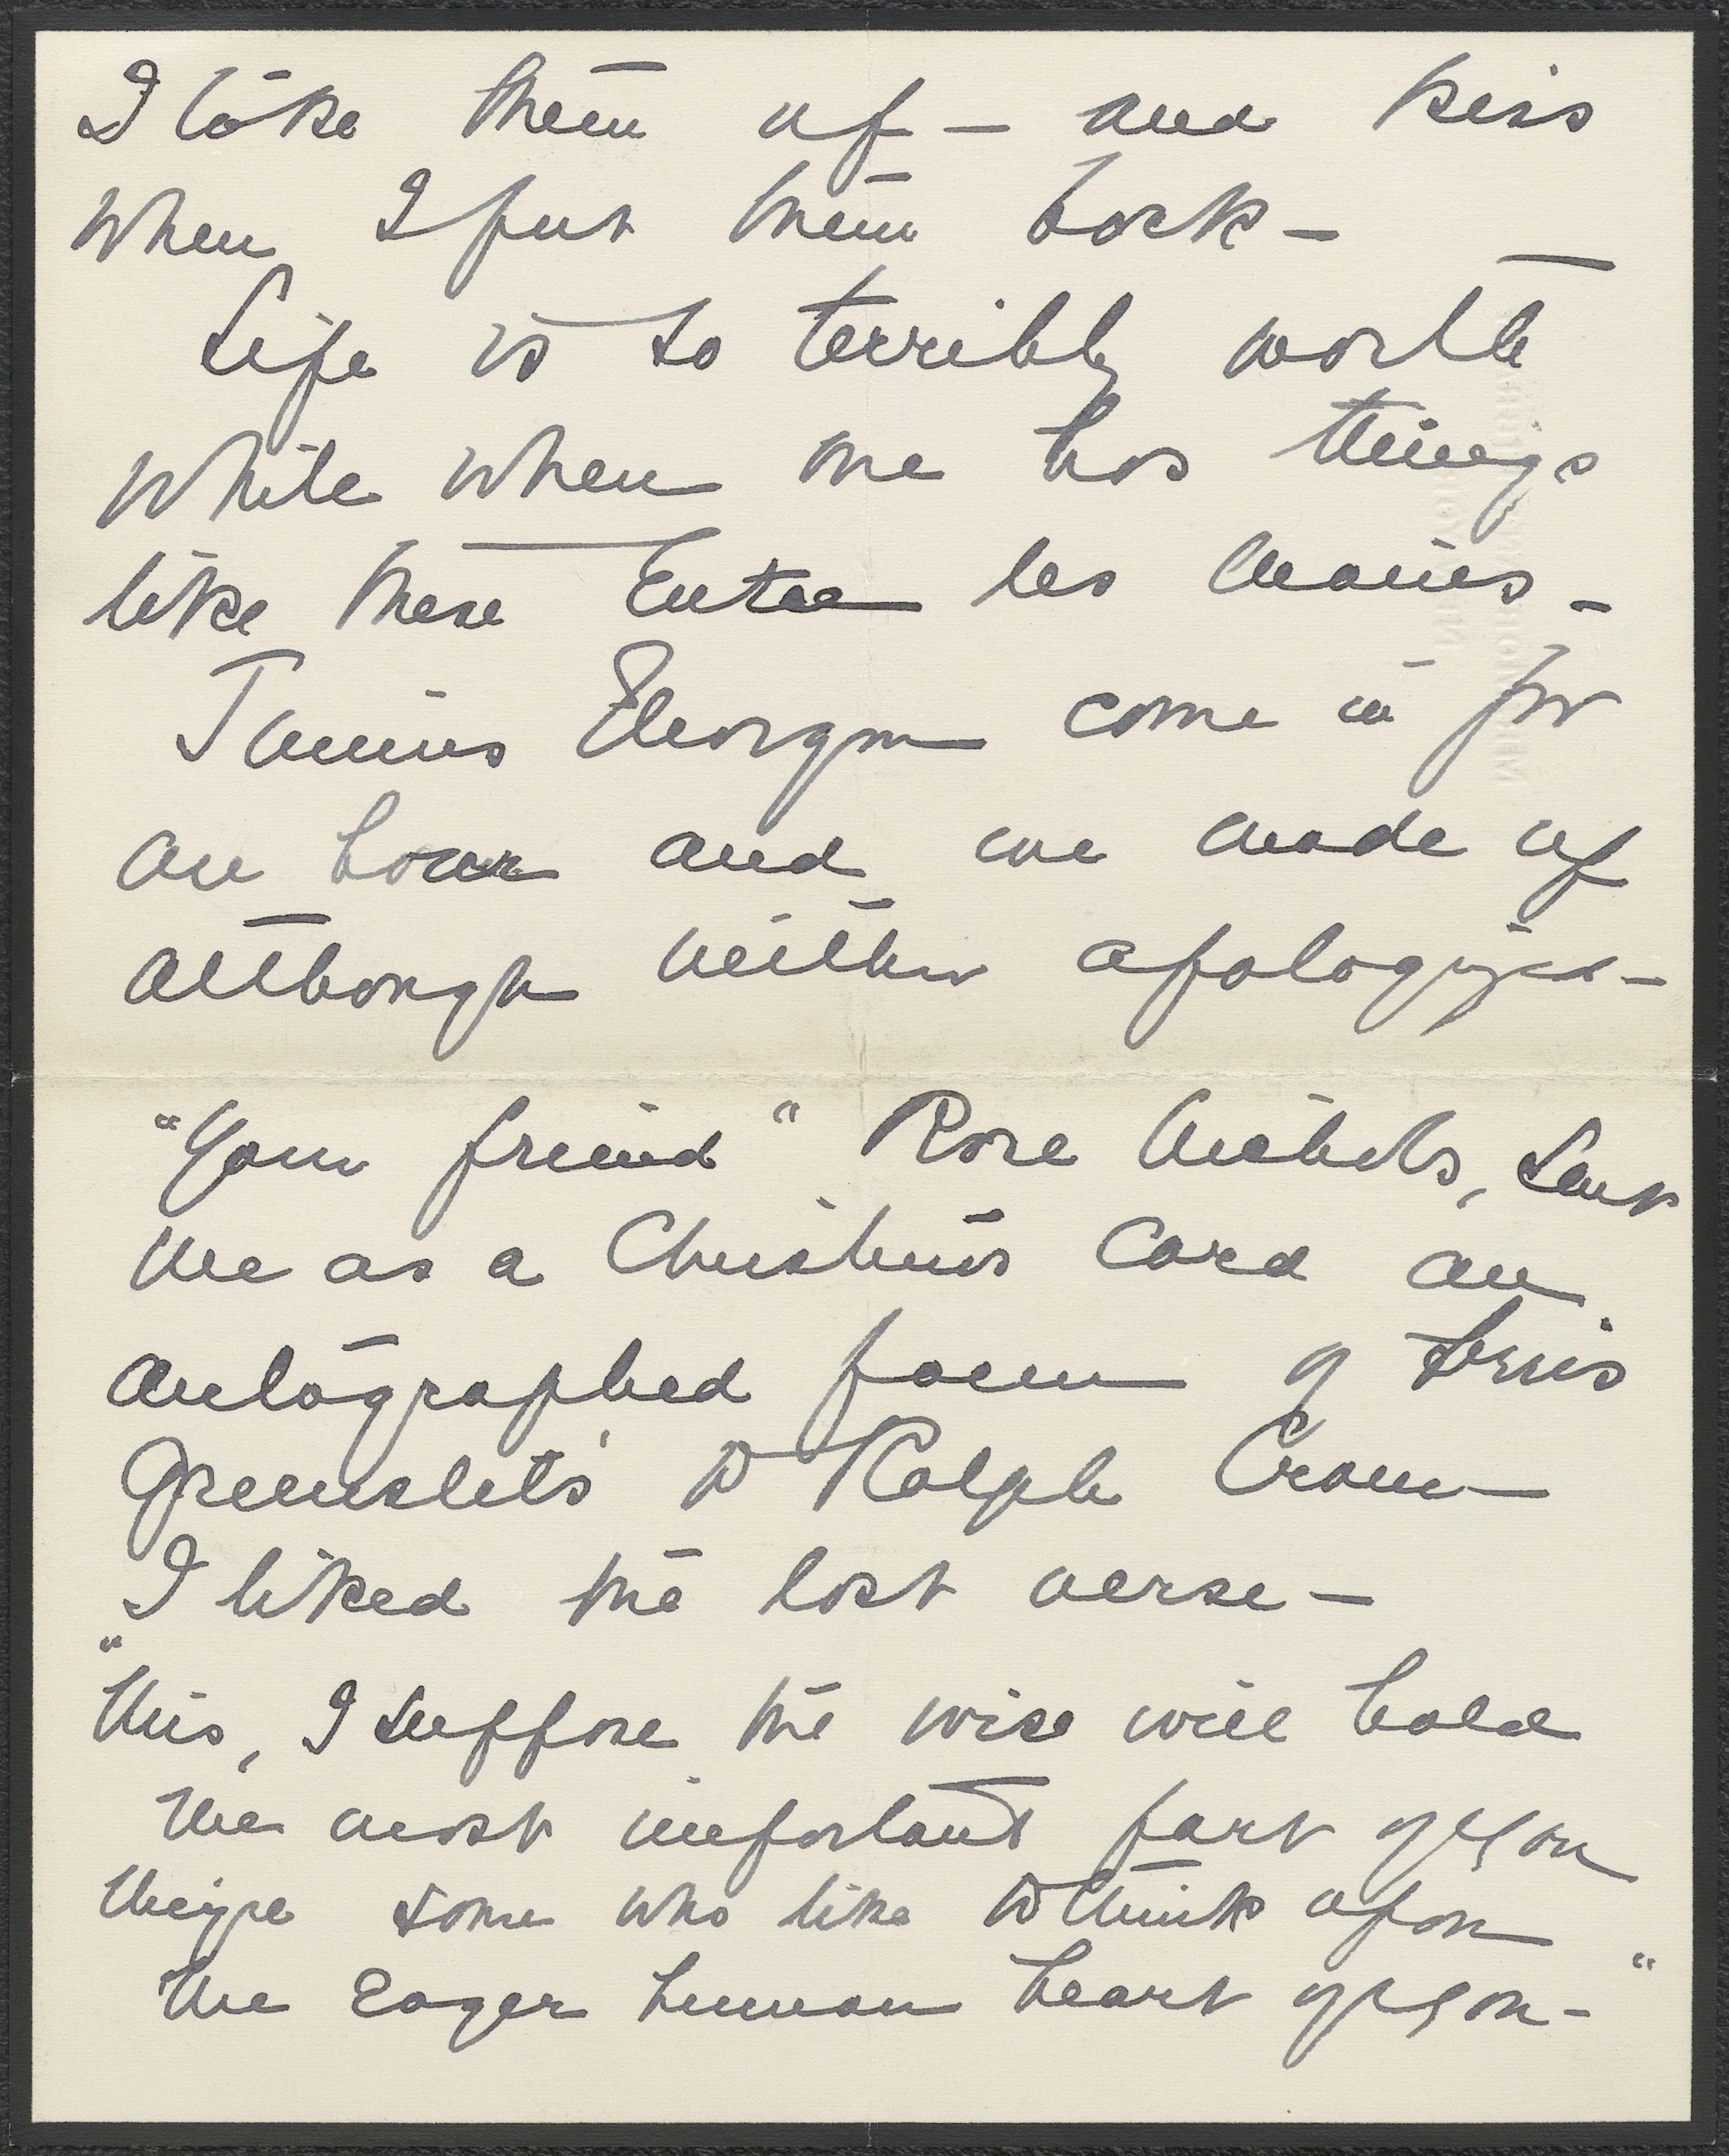I take them up – and kiss when I put them back –
Life is so terribly worth while when one has things like these Entre les mains – Junius Morgan came in for an hour and we made up although neither apologized – “your friend” Rose Nichols, sent me as a Christmas card an autographed poem of Ferris Greenslet’s to Ralph Cram – I liked the last verse – “This, I suppose the wise will hold [/] The most important part of you [/] They’re some who like to think upon [/] The eager human heart of you–”